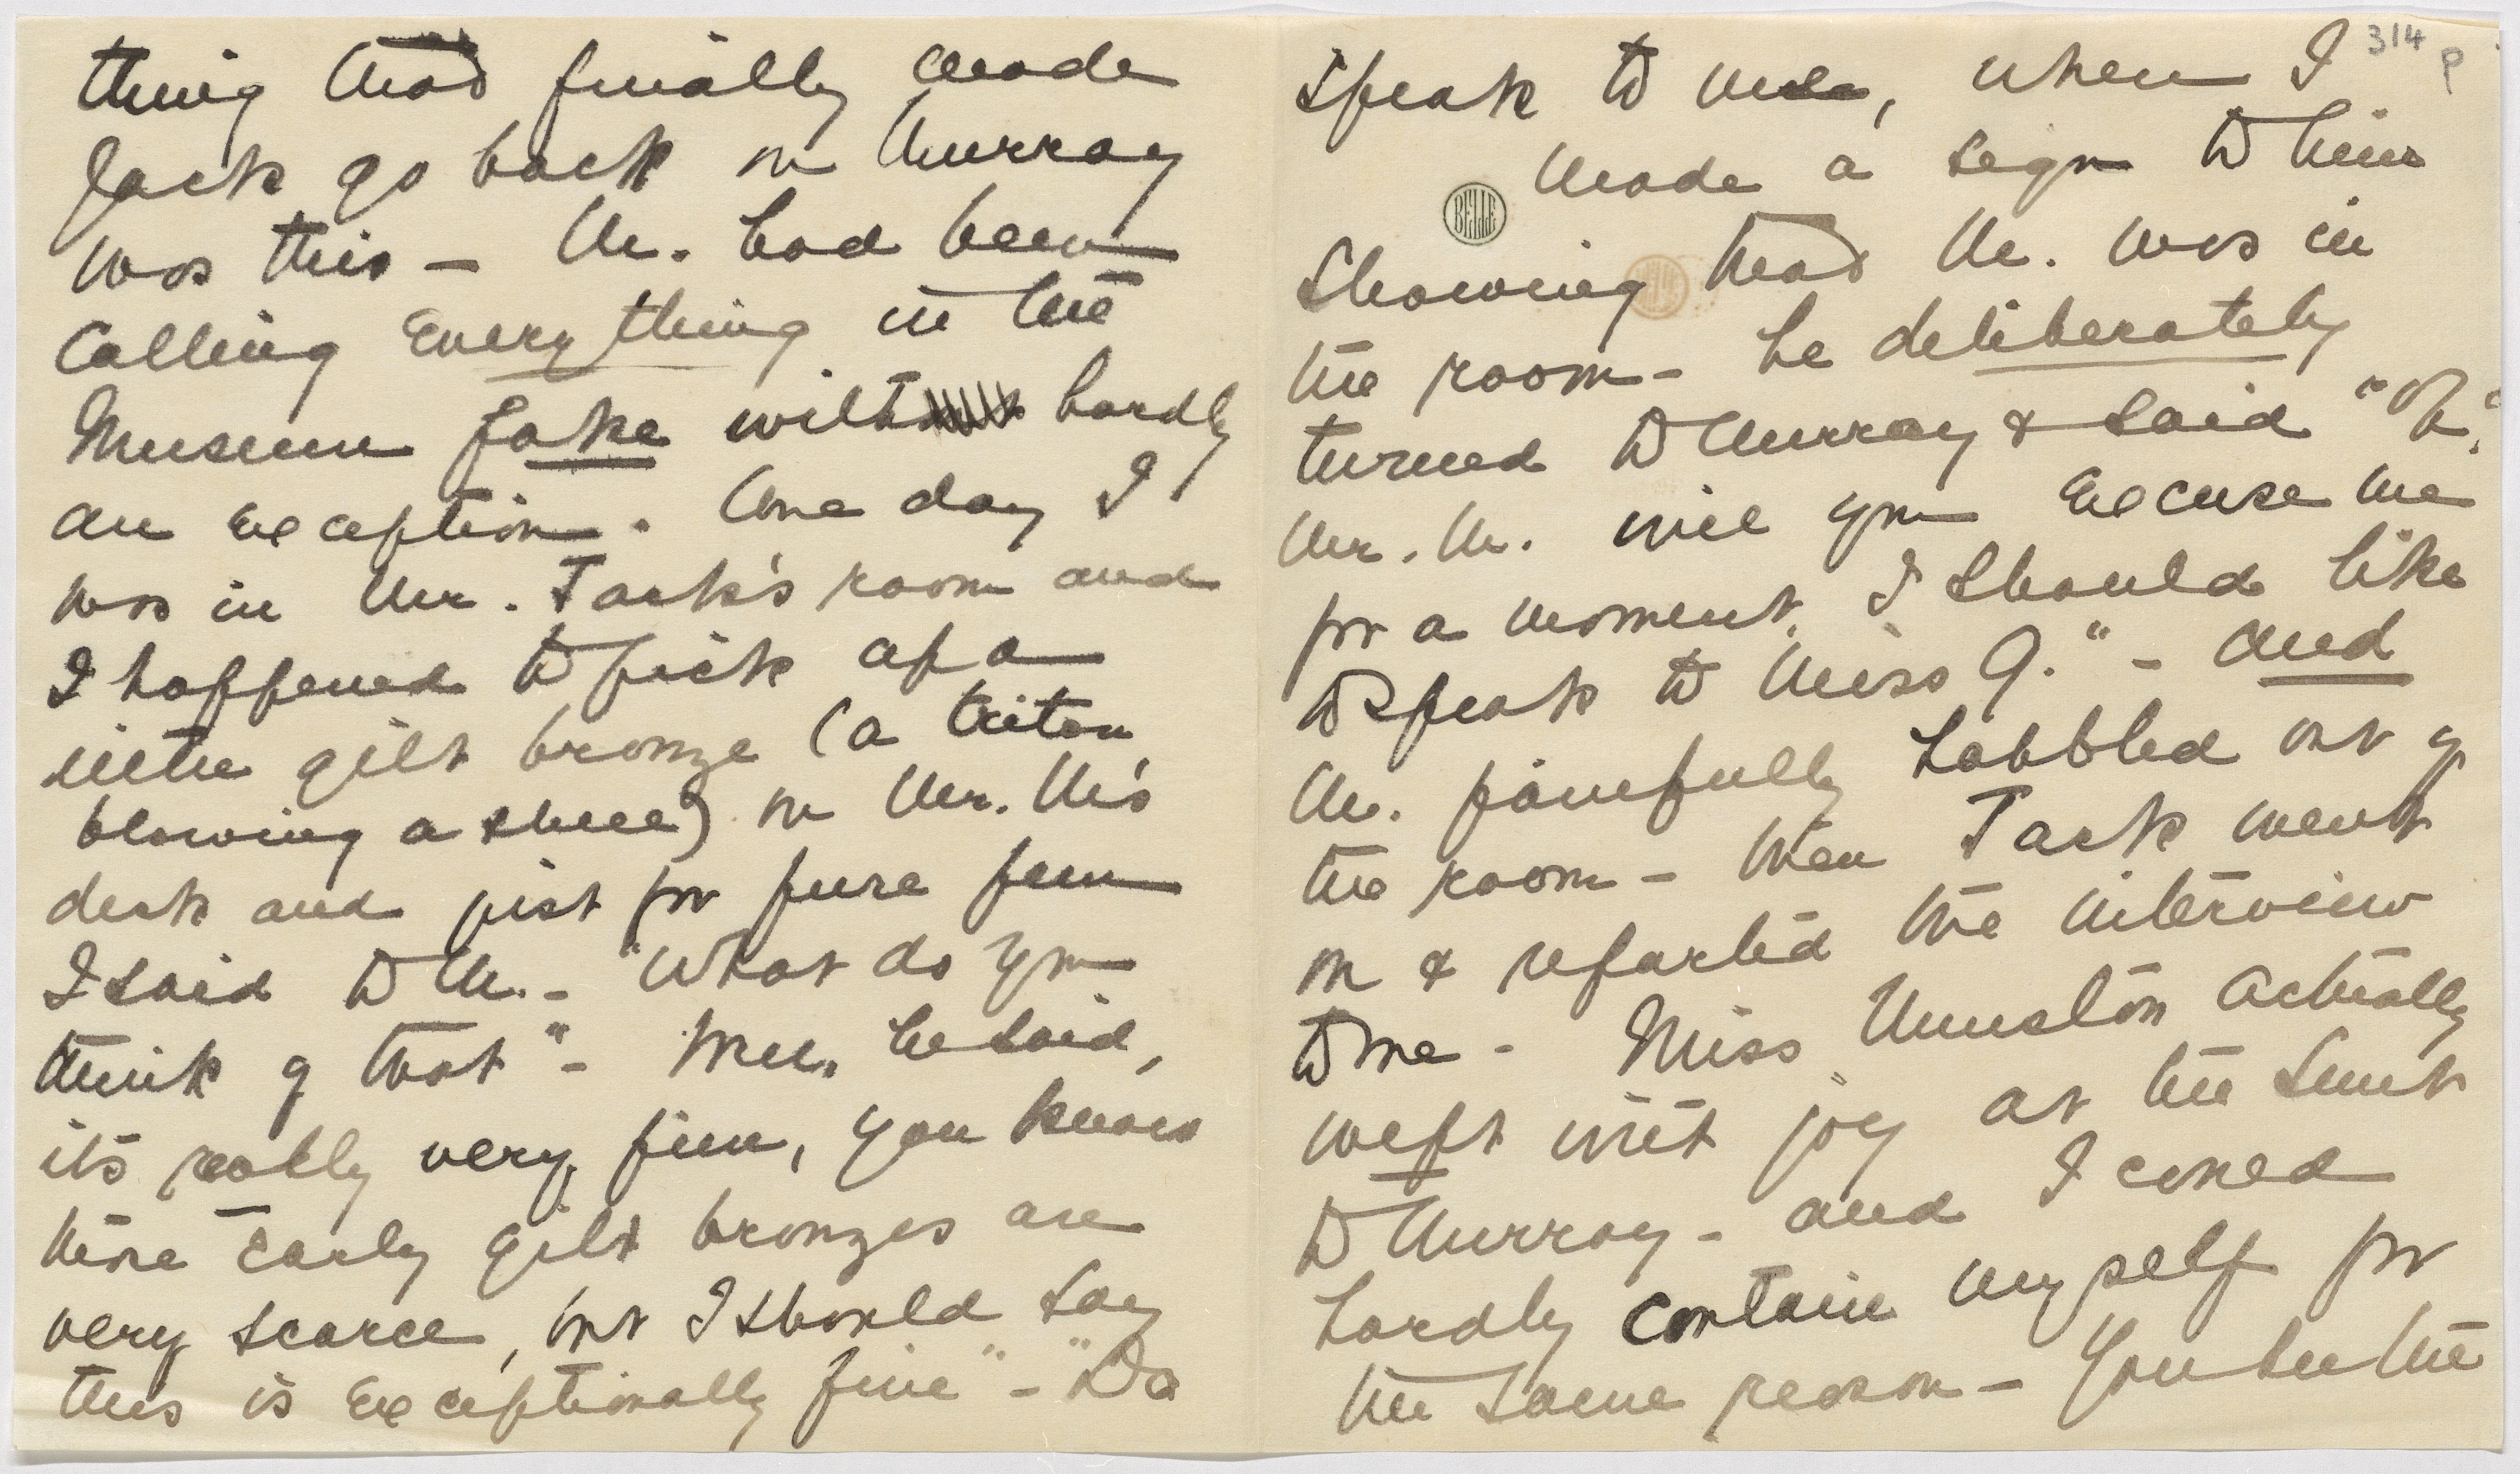speak to me, when I made a sign to him showing that M. was in the room – he deliberately turned to Murray & said “oh, Mr. M. will you excuse me for a moment. I should like to speak to Miss G.” – and M. painfully hobbled out of the room – then Jack went on & reported the interview to me – Miss Thurston actually wept with joy at the snub to Murray – and I could hardly contain myself for the same reason – You see the
the thing that finally made Jack go back on Murray was this – M. had been calling everything in the Museum fake without hardly an exception. One day I was in Mr. Jack’s room and I happened to pick up a little gilt bronze (a triton blowing a shell) on Mr. M’s desk and just for pure fun I said to M. – What do you think of that” – Well, he said, it’s really very fine, you know those early gilt bronzes are very scarce, but I should say this is exceptionally fine” – “Do